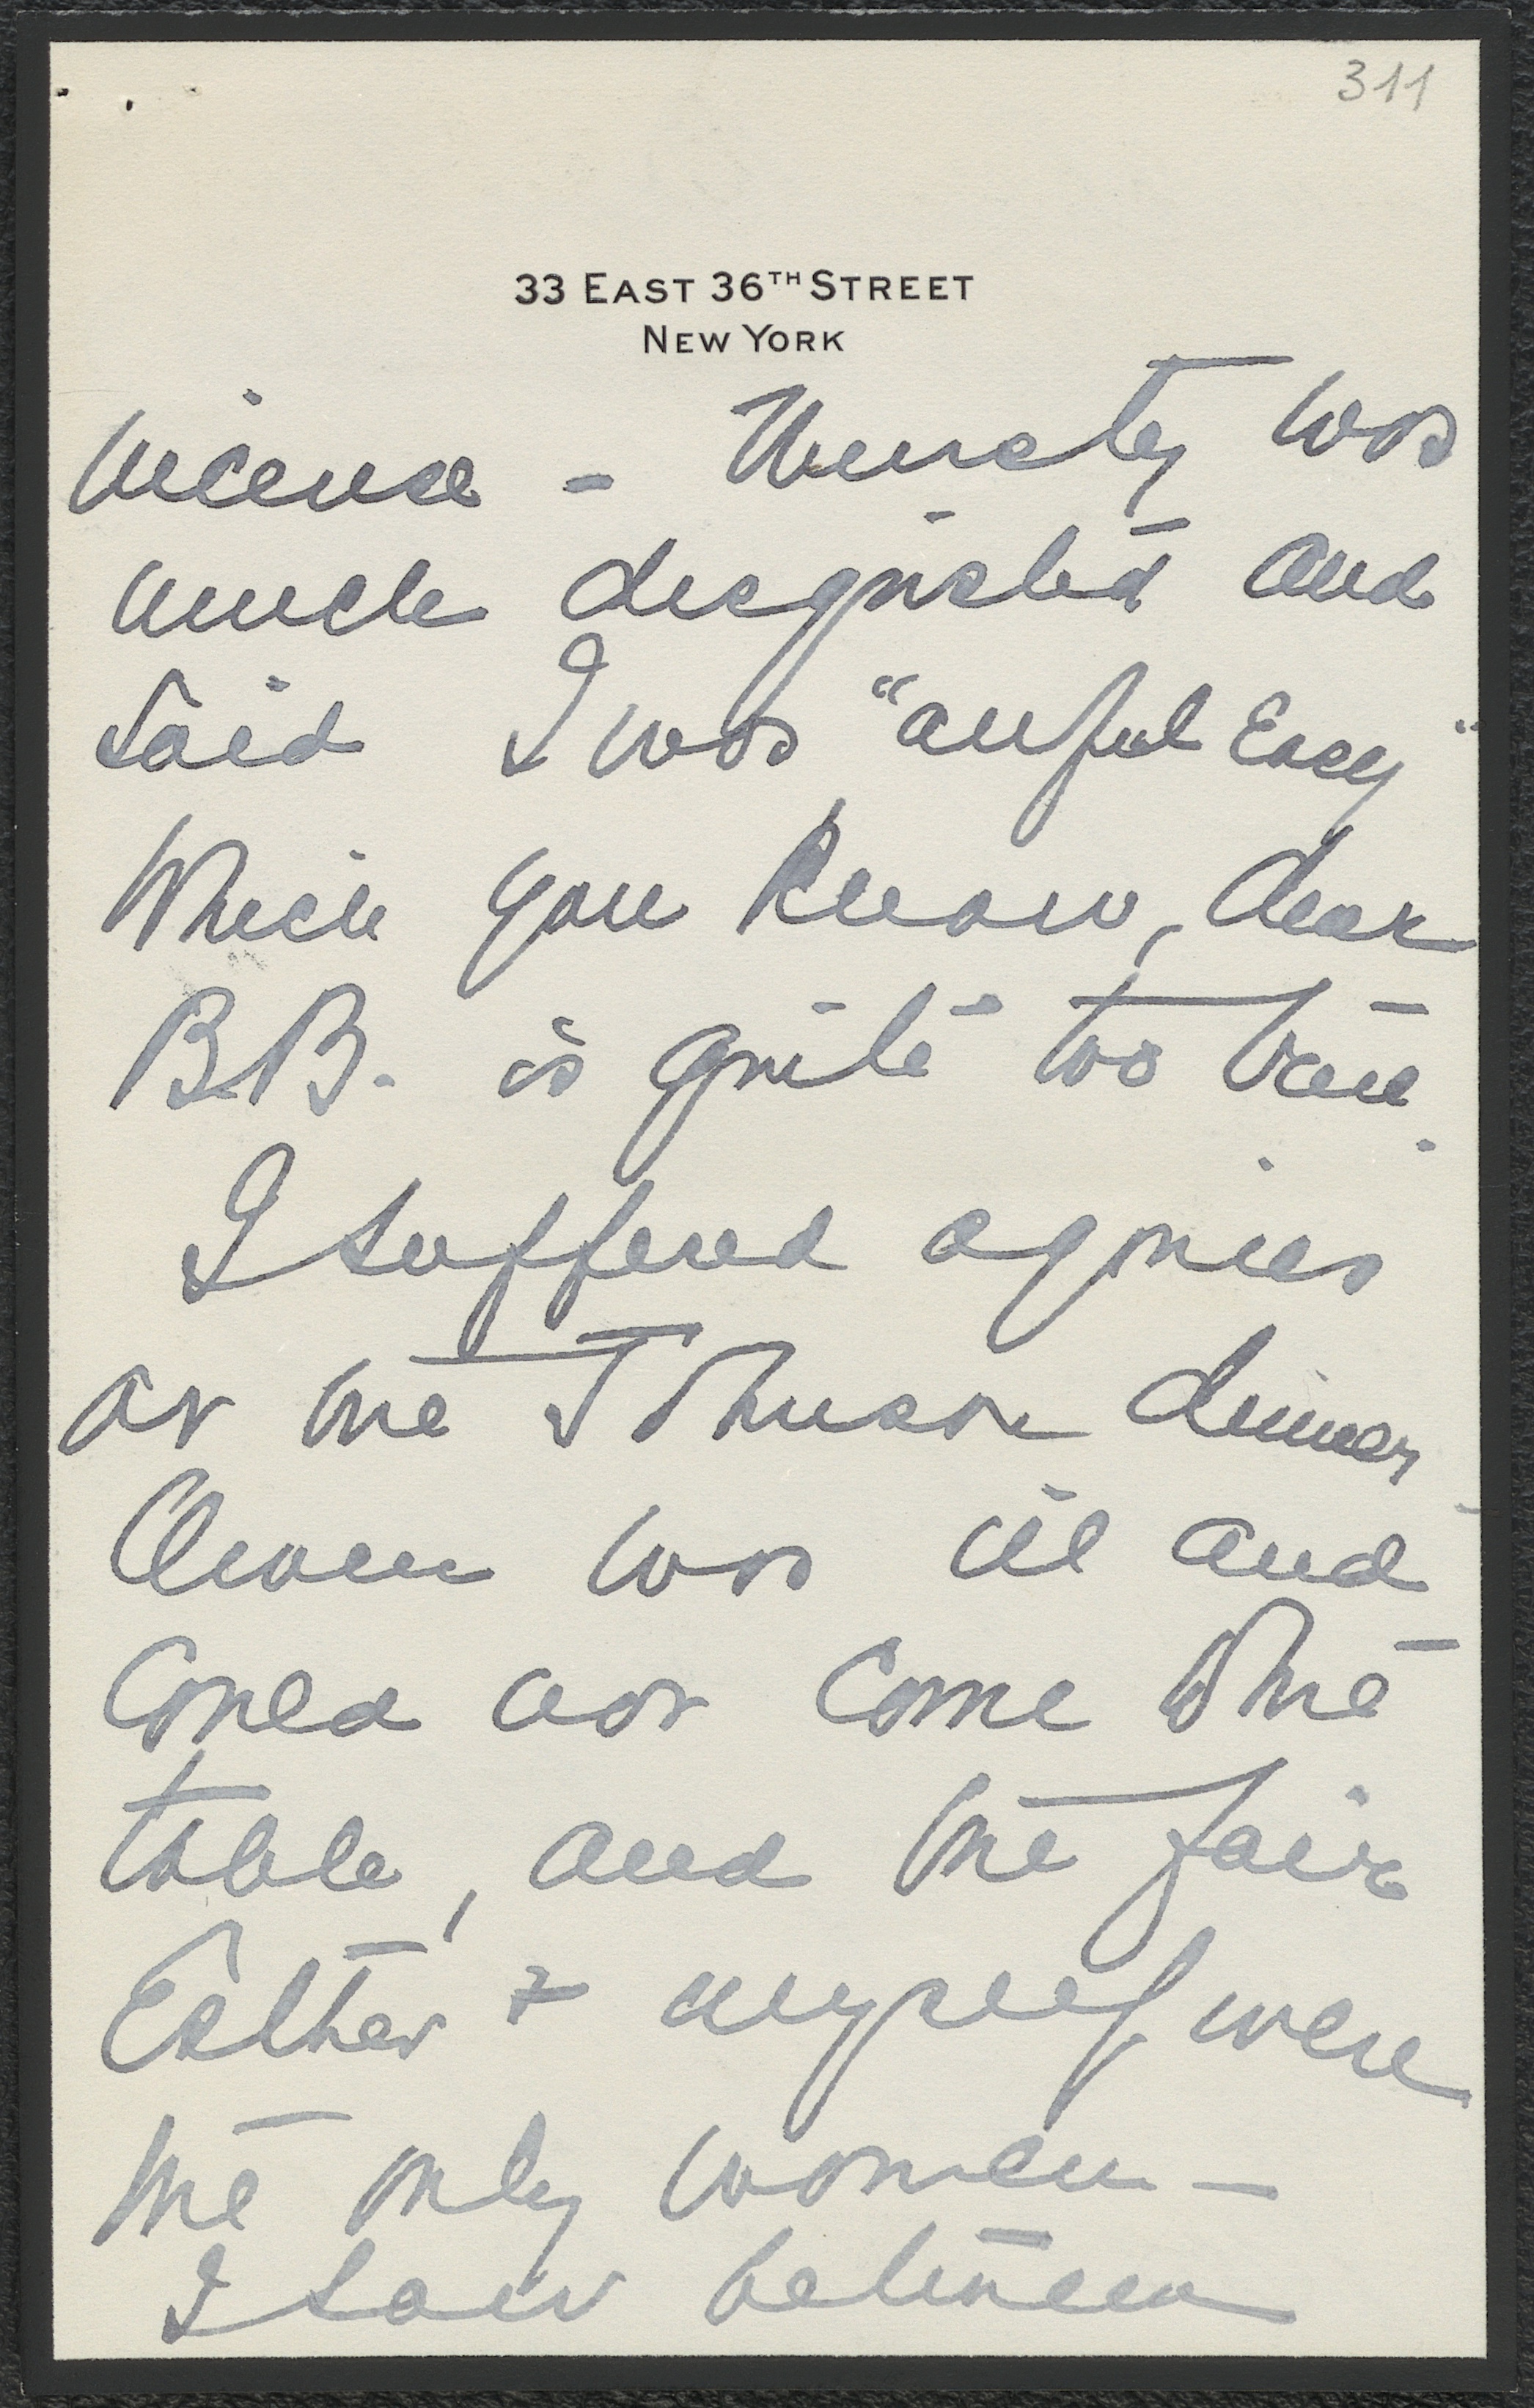incense – Thirsty was much disgusted and said I was “awful easy” which you know, dear B.B. is quite too true.
I suffered agonies at the Johnson dinner. Owen was ill and could not come to the table, and the fair Esther & myself were the only women – I sat between